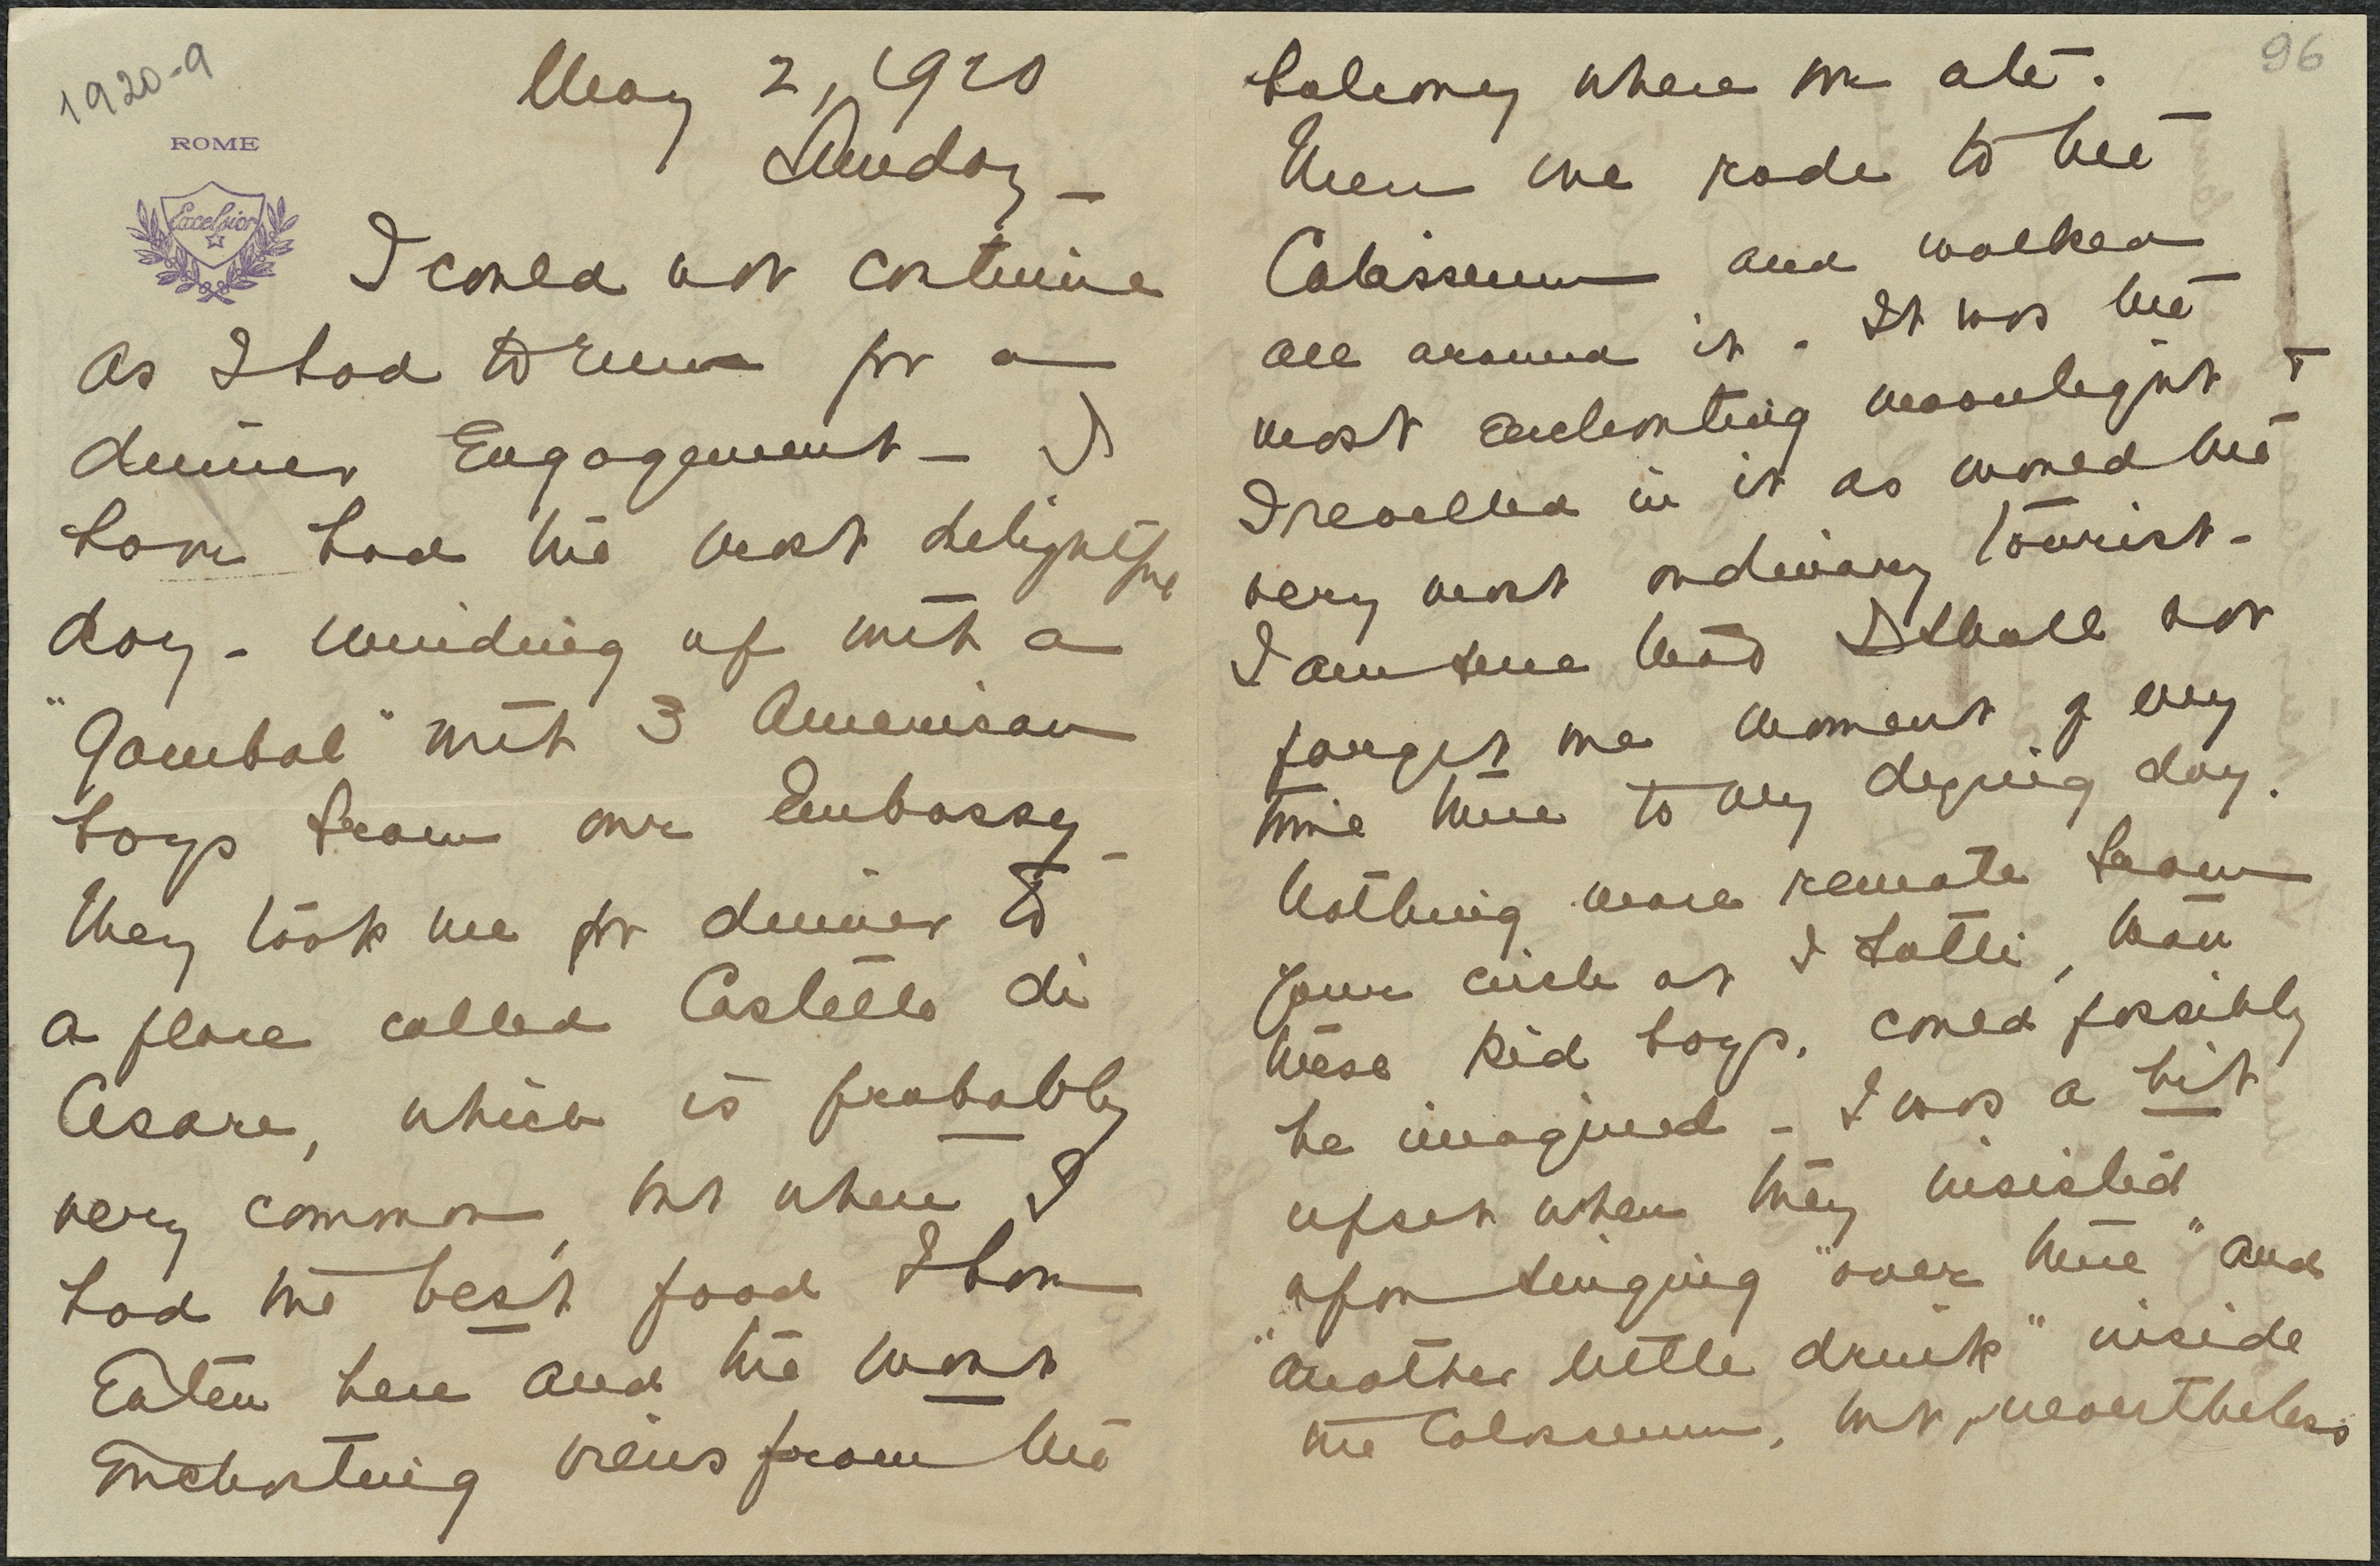May 2, 1920
Sunday –
I could not continue as I had to run for a dinner engagement – I have had the most delightful day – winding up with a "Gambol" with 3 American boys from our Embassy – they took me for dinner to a place called Castells di Cesare, which is probably very common, but where I had the best food I have eaten here and the most enchanting views from the
balcony where we ate. Then we rode to the Colisseum [sic] and walked all around it. It was the most enchanting moonlight & I revelled in it as would the very most ordinary tourist – I am sure that I shall not forget one moment of my time there to my dying day. Nothing more remote from your circle at I Tatti, than these kid boys, could possibly be imagined – I was a bit upset when they insisted upon singing “over there” and “another little drink” inside the Colisseum [sic], but, nevertheless